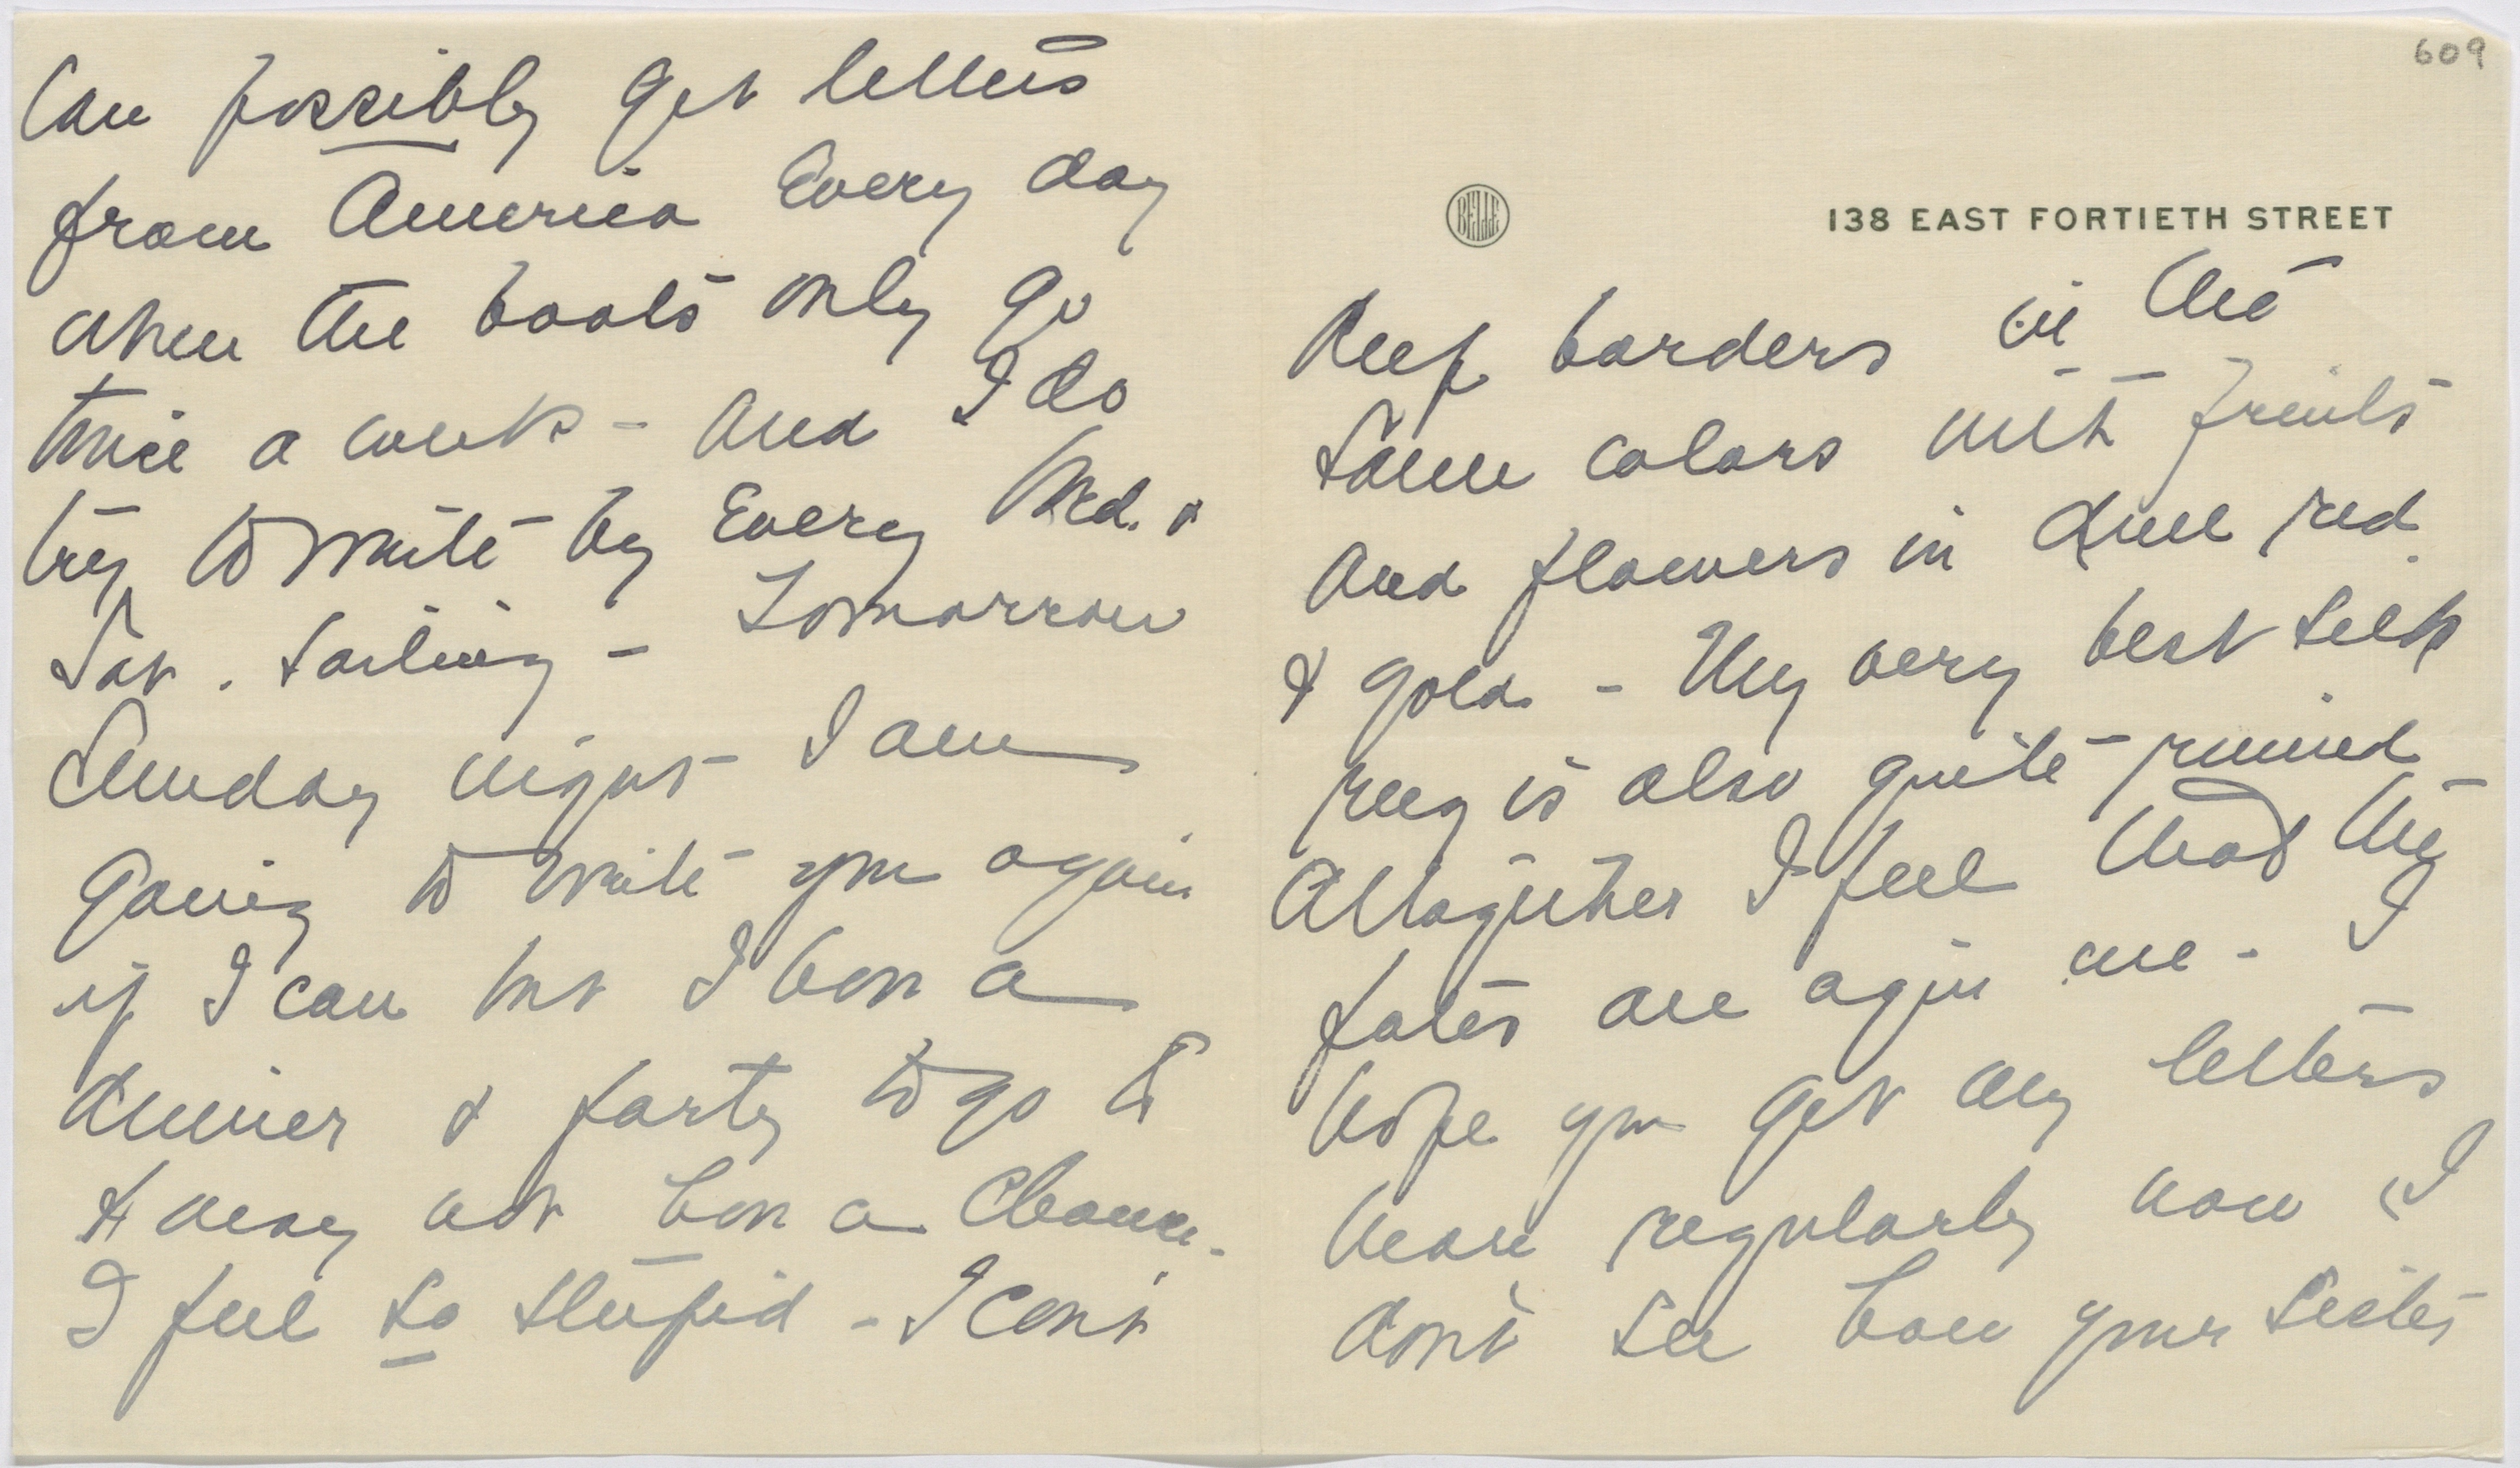deep borders in the same colors with prints and flowers in dull red & gold – My very best silk rug is also quite ruined Altogether I feel that the fates are agin me – I hope you get my letters more regularly now I don’t see how your sister
can possibly get letters from America every day when the boats only go twice a week – And I do try to write by every Wed. & Sat. sailing – Tomorrow Sunday night I am going to write you again if I can but I have a dinner & party to go to & may not have a chance – I feel so stupid – I can’t